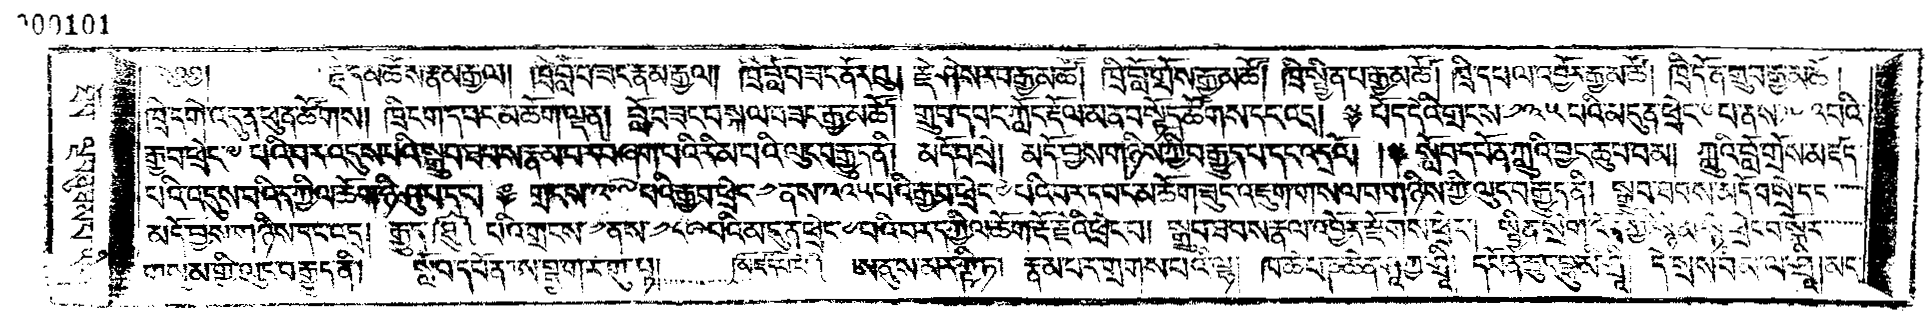༄༅། །རྗེ་དམ་ཆོས་རྣམ་རྒྱལ། ཁྲི་བློ་བཟང་རྣམ་རྒྱལ། ཁྲི་བློ་བཟང་ནོར་བུ། རྗེ་ཤེས་རབ་རྒྱ་མཚོ། ཁྲི་བློ་གྲོས་རྒྱ་མཚོ། ཁྲི་སྤྱིན་པ་རྒྱ་མཚོ། ཁྲི་དཔལ་འབྱོར་རྒྱ་མཚོ། ཁྲི་དོན་གྲུབ་རྒྱ་མཚོ།
ཁྲི་དགེ་འདུན་ཕུན་ཚོགས། ཁྲི་ངག་དབང་མཆོག་ལྡན། བློ་བཟང་བསྐལ་བཟང་རྒྱ་མཚོ། གྲུབ་དབང་ཀློང་རྡོལ་མན་བསྟོད་ཚོགས་དང་འདྲ། ༈ པོད་དེའི་གྲངས ༡༣༥་པའི་མདུན་ཕྲེང ༦་པ་ནས ༡༧༢?་པའི་
རྒྱབ་ཕྲེང ༧་པའི་བར་འདུས་པའི་སྒྲུབ་ཐབས་རྣམ་པར་བཞག་པའི་རིམ་པའི་ལུང་བརྒྱུད་ནི། མདོ་བསྲེ། མདོ་བྱས་གཉིས་ཀྱི་བརྒྱུད་པ་དང་འདྲའོ། །༈ སློབ་དཔོན་ཀླུའི་བྱང་ཆུབ་བམ། ཀླུའི་བློ་གྲོས་མཛད་
པའི་འདུས་བའི་དཀྱིལ་ཆོག་ཉི་ཤུ་པ་དང་། ༈ གྲངས ༢༠༧་པའི་རྒྱབ་ཕྲེང ༤་ནས ༢༢༥་པའི་རྒྱབ་ཕྲེང ༤་པའི་བར་དབང་མཆོག་ཟུང་འཇུག་གསལ་བ་གཉིས་ཀྱི་ལུང་བརྒྱུད་ནི། སྒྲུབ་ཐབས་མདོ་བསྲེ་དང་
མདོ་བྱས་གཉིས་དང་འདྲ། རྒྱུད ༼ཐུ༽ པའི་གྲངས ༤་ནས ༡༨༩་པའི་མདུན་ཕྲེང ༤་པའི་བར་དཀྱིལ་ཆོག་རྡོ་རྗེའི་ཕྲེང་པ། སྒྲུབ་ཐབས་རྣལ་འབྱོར་རྫོགས་ཕྲེང་། སྦྱིན་སྲེག་འོད་ཀྱི་སྙེ་མ་སྟེ་ཕྲེང་བ་སྐོར་
གསུམ་གྱི་ལུང་བརྒྱུད་ནི། སློབ་དཔོན་ཨ་བྷྱ་ག་ར་གུ་པྟ། ༼མཛད་པ་པོ༽་ཨ་ནུ་ས་མར་ཀྵི་ཏ། རྣམ་པར་གྲགས་པའི་ལྷ། ཁ་ཆེ་པཎ་ཆེན་ཤཱཀྱ་ཤྲཱི། དཔོན་ཆུང་བྷུ་མི་ཤྲཱི། དེ་སྲས་བི་མ་ལ་ཤྲཱི་།མང་